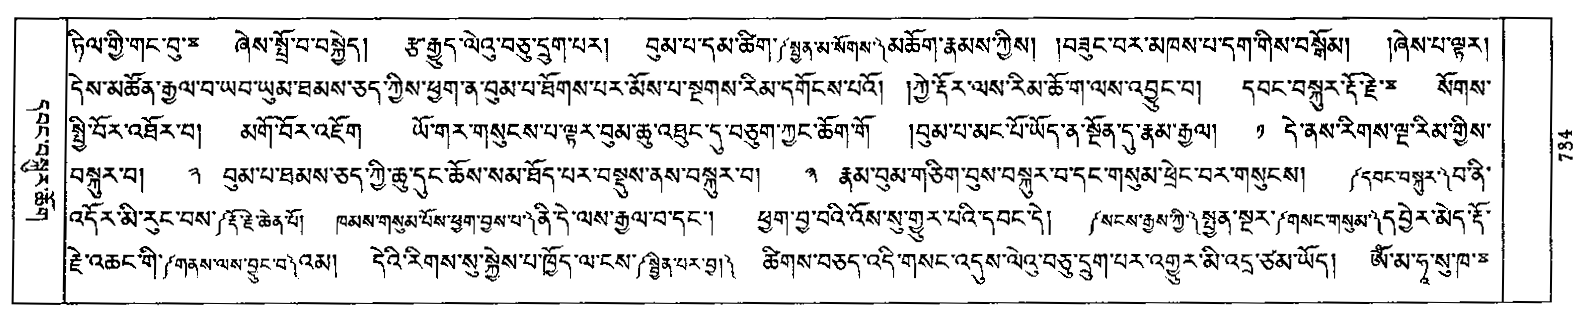ཏིལ་གྱི་གང་བུ་྾་ཞེས་སྤྲོ་བ་བསྐྱེད། རྩ་རྒྱུད་ལེའུ་བཅུ་དྲུག་པར། བུམ་པ་དམ་ཚིག་སྤྱན་མ་སོགས྄་མཆོག་རྣམས་ཀྱིས། །བཟུང་བར་མཁས་པ་དག་གིས་བསྒོམ། །ཞེས་པ་ལྟར།
དེས་མཚོན་རྒྱལ་བ་ཡབ་ཡུམ་ཐམས་ཅད་ཀྱིས་ཕྱག་ན་བུམ་པ་ཐོགས་པར་མོས་པ་སྔགས་རིམ་དགོངས་པའོ། །ཀྱེ་རྡོར་ལས་རིམ་ཆོ་ག་ལས་འབྱུང་བ། དབང་བསྐུར་རྡོ་རྗེ་྾་སོགས་
སྤྱི་བོར་འཐོར་བ། མགོ་བོར་འཇོག་ཡོ་གར་གསུངས་པ་ལྟར་བུམ་ཆུ་འཐུང་དུ་བཅུག་ཀྱང་ཆོག་གོ །བུམ་པ་མང་པོ་ཡོད་ན་སྔོན་དུ་རྣམ་རྒྱལ། ༡་དེ་ནས་རིགས་ལྔ་རིམ་གྱིས་
བསྐུར་བ། ༢་བུམ་པ་ཐམས་ཅད་ཀྱི་ཆུ་དུང་ཆོས་སམ་ཐོད་པར་བསྡུས་ནས་བསྐུར་བ། ༣་རྣམ་བུམ་གཅིག་བུས་བསྐུར་བ་དང་གསུམ་ཕྲེང་བར་གསུངས། དབང་བསྐུར྄་བ་ནི་
འདོར་མི་རུང་བས ༼རྡོ་རྗེ་ཆེན་པོ། ཁམས་གསུམ་པོས་ཕྱག་བྱས་པ྄་ནི་དེ་ལས་རྒྱལ་བ་དང་། ཕྱག་བྱ་བའི་འོས་སུ་གྱུར་པའི་དབང་དེ། ༽སངས་རྒྱས་ཀྱ྄ི་སྤྱན་སྔར་གསང་གསུམ྄་དབྱེར་མེད་རྡོ་
རྗེ་འཆང་གི ༼གནས་ལས་བྱུང་བ྄་འམ། དེའི་རིགས་སུ་སྐྱེས་པ་ཁྱོད་ལ་ངས་༽སྤྱིན་པར་བྱ།?་ཚིག་བཅད་འདི་གསང་འདུས་ལེའུ་བཅུ་དྲུག་པར་འགྱུར་མི་འདྲ་ཙམ་ཡོད། ཨོཾ་མ་ཧཱ་སུ་ཁ་྾་